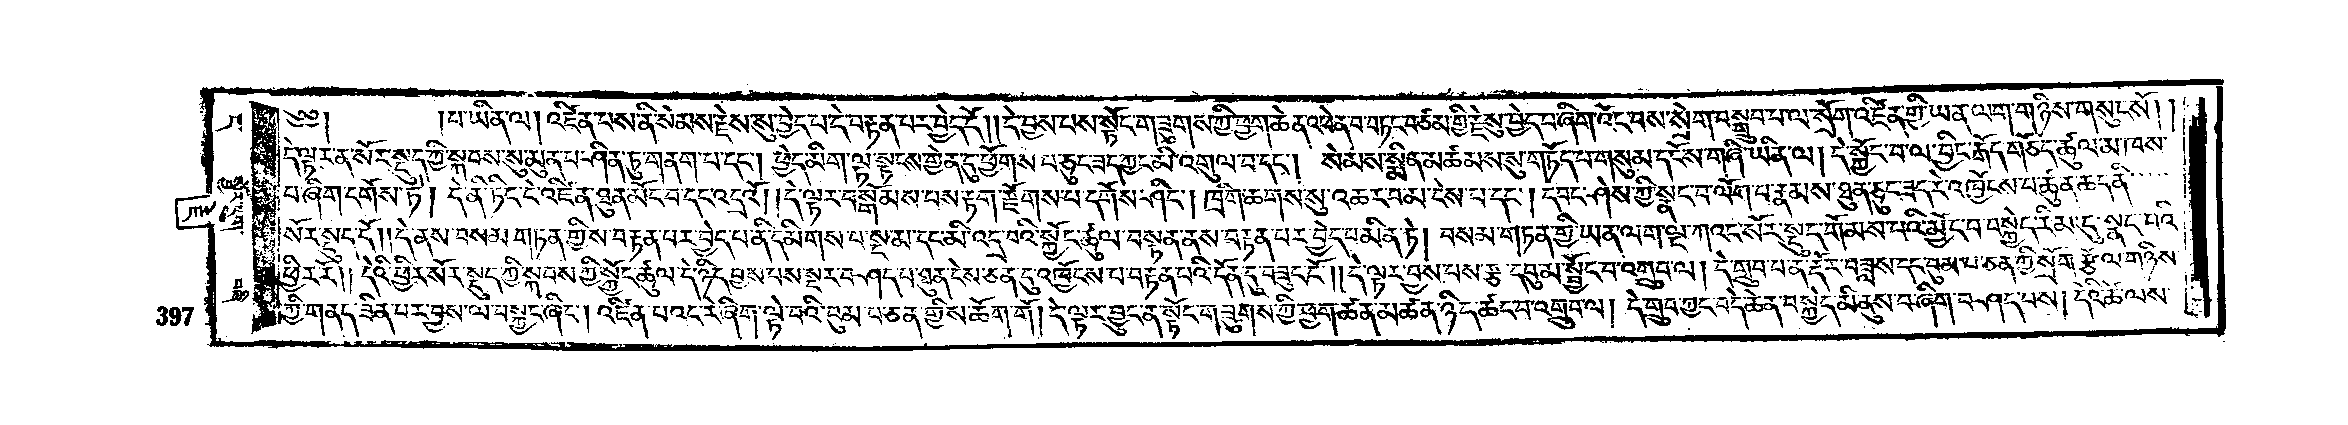༄༅། །པ་ཡིན་ལ། འཛིན་པས་ནི་སེམས་རྗེས་སུ་བྱེད་པ་དེ་བརྟན་པར་བྱེད་དོ། །དེ་བྱས་པས་སྟོང་གཟུགས་ཀྱི་ཕྱག་ཆེན་འཕེན་པ་བཏང་བ་ཙམ་གྱི་རྗེས་སུ་བྱེད་པ་ཞིག་འོང་བས་སྲོག་བསྒྲུབ་པ་ལ་སྲོག་འཛིན་གྱི་ཡན་ལག་གཉིས་གསུངས་སོ། །
དེ་ལྟར་ན་སོར་སྡུད་ཀྱི་སྐབས་སུ་མུན་པ་ཤིན་ཏུ་གནག་པ་དང་། ཕྱེད་མིག་ལྟ་སྟངས་གྱེན་དུ་ཕྱོགས་པ་ཅུང་ཟད་ཀྱང་མི་འགུལ་བ་དང་། སེམས་སྨིན་མཚམས་སུ་གཏོད་པ་གསུམ་དངོས་གཞི་ཡིན་ལ། དེ་སྐྱོང་བ་ལ་བྱིང་རྒོད་གཅོད་ཚུལ་མ་ཁས་
པ་ཞིག་དགོས་ཏེ། དེ་ནི་ཏིང་ངེ་འཛིན་ཐུན་མོང་བ་དང་འདྲའོ། །དེ་ལྟར་བསྒོམས་པས་རྟག་རྫོགས་པ་དགོས་ཤིང་། ཁྲིག་ཆགས་སུ་འཆར་བ་མ་ངེས་པ་དང་། དབང་ཤེས་ཀྱི་སྣང་བ་ལོག་པ་རྣམས་ཐུན་ཅུང་ཟད་རེ་འཁྱོངས་པ་ཚུན་ཆད་ནི་
སོར་སྡུད་དོ། །དེ་ནས་བསམ་གཏན་གྱིས་བརྟན་པར་བྱེད་པ་ནི་དམིགས་པ་སྔ་མ་དང་མི་འདྲ་བའི་སྐྱོང་ཚུལ་བསྟན་ནས་བརྟན་པར་བྱེད་པ་མིན་ཏེ། བསམ་གཏན་གྱི་ཡན་ལག་ལྔ་ཀའང་སོར་སྡུད་གོམས་པའི་མྱོང་བ་བསྐྱེད་རིམ་དུ་སྣང་པའི་
ཕྱིར་རོ། །དེའི་ཕྱིར་སོར་སྡུད་ཀྱི་སྐབས་ཀྱི་སྐྱོང་ཚུལ་དེ་ཉིད་བྱས་པས་སྔར་བཤད་པ་ཐུན་ངེས་ཅན་དུ་འཁྱོངས་པ་བརྟན་པའི་དོན་དུ་བཟུང་ངོ། །དེ་ལྟར་བྱས་པས་རྩ་དབུ་མ་སྦྱོང་བ་འགྲུབ་ལ། དེ་གྲུབ་པ་ན་རྡོར་བཟླས་དང་བུམ་པ་ཅན་གྱི་སྲོག་རྩོལ་གཉིས་
ཀྱི་གནད་ཟིན་པར་བྱས་ལ་བསྐྱང་ཞིང་། འཛིན་པའང་རེ་ཞིག་ལྟེ་བའི་བུམ་པ་ཅན་གྱིས་ཆོག་གོ །དེ་ལྟར་བྱུང་ན་སྟོང་གཟུགས་ཀྱི་ཕྱག་ཚན་མཚན་ཉིད་ཚང་བ་འགྲུབ་ལ། དེ་གྲུབ་ཀྱང་བདེ་ཆེན་བསྐྱེད་མི་ནུས་པ་ཞིག་བཤད་པས། དེའི་ཚེ་ལས་